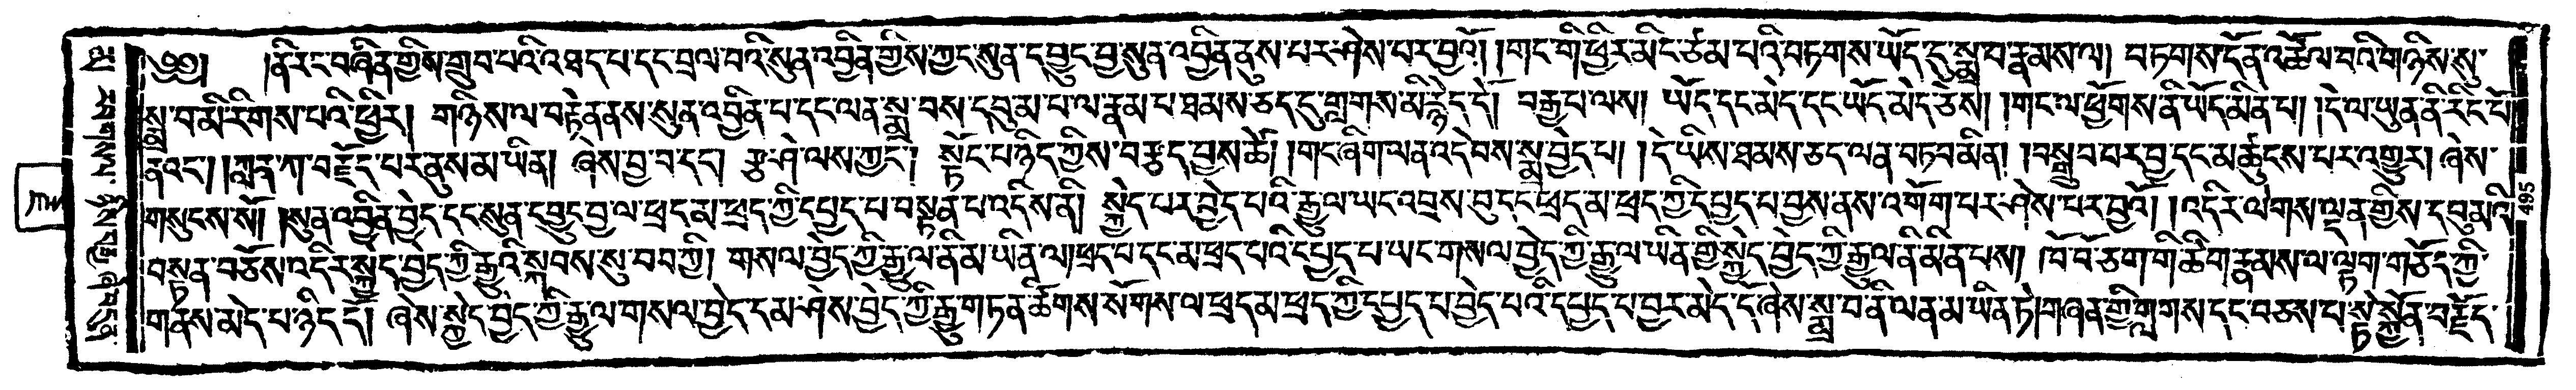༄༅། །ནི་རང་བཞིན་གྱིས་གྲུབ་པའི་འཐད་པ་དང་བྲལ་བའི་སུན་འབྱིན་གྱིས་ཀྱང་སུན་དབྱུང་བྱ་སུན་འབྱིན་ནུས་པའི་ཤེས་པར་བྱའོ། །གང་གི་ཕྱིར་མིང་ཙམ་པའི་བཏགས་ཡོད་དུ་སྨྲ་བ་རྣམས་ལ། བཏགས་དོན་འཚོལ་བའི་གཉིས་སུ་
སྨྲ་བ་མི་རིགས་པའི་ཕྱིར། གཉིས་ལ་བརྟེན་ནས་སུན་འབྱིན་པ་དང་ལན་སྨྲ་བས་དབུ་མ་པ་ལ་རྣམ་པ་ཐམས་ཅད་དུ་གླགས་མི་རྙེད་དེ། བརྒྱ་བ་ལས། ཡོད་དང་མེད་དང་ཡོད་མེད་ཅེས། །གང་ལ་ཕྱོགས་ནི་ཡོད་མིན་པ། །དེ་ལ་ཡུན་ནི་རིང་པོ་
ནའང་། །ཀླན་ཀ་བརྗོད་པར་ནུས་མ་ཡིན། ཞེས་བྱ་བ་དང་། རྩ་ཤེ་ལས་ཀྱང་། སྟོང་པ་ཉིད་ཀྱིས་བརྩད་བྱས་ཚེ། །གང་ཞིག་ལན་འདེབས་སྨྲ་བྱེད་པ། །དེ་ཡིས་ཐམས་ཅད་ལན་བཏབ་མིན། །བསྒྲུབ་པར་བྱ་དང་མཚུངས་པར་འགྱུར། ཞེས་
གསུངས་སོ། །སུན་འབྱིན་བྱེད་དང་སུན་དབྱུང་བྱ་ལ་ཕྲད་མ་ཕྲད་ཀྱི་དཔྱད་པ་བསྟན་པ་འདིས་ནི། སྐྱེད་པར་བྱེད་པའི་རྒྱུ་ལ་ཡང་འབྲས་བུ་དང་ཕྲད་མ་ཕྲད་ཀྱི་དཔྱད་པ་བྱས་ནས་འགོག་པར་ཤེས་པར་བྱའོ། །འདིར་ལེགས་ལྡན་གྱིས་དབུ་མའི་
བསྟན་བཅོས་འདིར་སྐྱེད་བྱེད་ཀྱི་རྒྱུའི་སྐབས་སུ་བབ་ཀྱི། གསལ་བྱེད་ཀྱི་རྒྱུ་ལ་ནི་མ་ཡིན་ལ། ཕྲད་པ་དང་མ་ཕྲད་པའི་དཔྱད་པ་ཡང་གསལ་བྱེད་ཀྱི་རྒྱུ་ལ་ཡིན་གྱི་སྐྱེད་བྱེད་ཀྱི་རྒྱུ་ལ་ནི་མིན་པས། ཁོ་བོ་ཅག་གི་ཚིག་རྣམས་ལ་ལྟག་གཅོད་ཀྱི་
གནས་མེད་པ་ཉིད་དོ། ཞེས་སྐྱེད་བྱེད་ཀྱི་རྒྱུ་ལ་གསལ་བྱེད་དམ་ཤེས་བྱེད་ཀྱི་རྒྱུ་གཏན་ཚིགས་སོགས་ལ་ཕྲད་མ་ཕྲད་ཀྱི་དཔྱད་པ་བྱེད་པའི་དཔྱད་པ་བྱར་མེད་དོ་ཞེས་སྨྲ་བ་ནི་ལན་མ་ཡིན་ཏེ། གཞན་གྱི་གླགས་དང་བཅས་པ་སྟེ་སྐྱོན་བརྗོད་